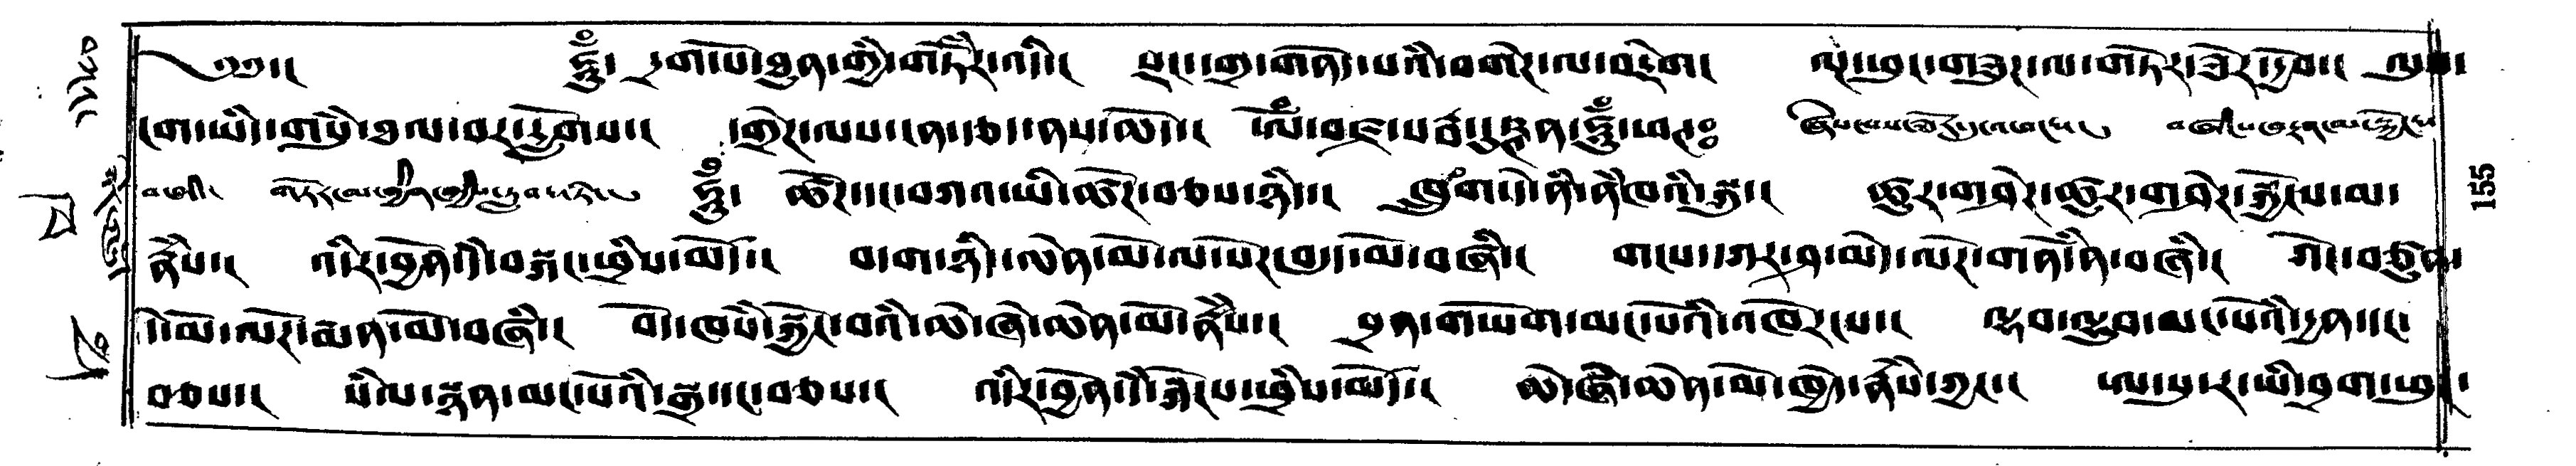ཧཱུྃ། དྲག་པོ་ཐུན་གྱི་གཏོར་མ་འདི། །སྡང་དགྲ་གནོད་པའི་བགེགས་ལ་བརྡེག །ལྔ་ཕུང་གཟུགས་ལ་གཏོར་ཟོར་རྒྱོབ། །ལུས་
ངག་ཡིད་གསུམ་ཐལ་བར་རློགས། །དགྲ་གེགས་ལས་ངན་རྩད་ནས་ཆོད། །ཨོཾ་བཛྲ་སརྦ་དུཥྚན་ཧཱུྃ་ཕཊཿ ཞེས་པས་ཟོར་དུ་འཕངས། བཞི་པ་བརྟན་མ་སྐྱོང་
བ་ནི། གཏོར་མ་བྱིན་གྱིས་བརླབས་ཏེ། ཧཱུྃ། ཚོགས་དང་བཀའ་ཡི་ཚོགས་བཅས་ཉིད། །ཁྲག་འཐུང་དེ་བཞིན་ནམ་མཁའི་སྐུ། །ཚུར་གཤེགས་ཚུར་གཤེགས་སྐྱོང་མ་
རྣམས། །འདིར་བྱོན་དམ་བསྐང་ཕྲིན་ལས་མཛོད། །བདག་ཉིད་ཆེན་མོ་ལ་སོགས་བདུད་མོ་བཞི། །གངས་དཀར་ཤ་མེད་ལ་སོགས་གནོད་སྦྱིན་བཞྀ། །ཀོང་བཙུན་
དེ་མོ་ལ་སོགས་སྨན་མོ་བཞི། །བོད་ཁམས་སྐྱོང་བའི་ཆེ་ཞེ་ཆེན་མོ་རྣམས། །བྲན་གཡོག་མང་པོའི་འཁོར་དང་བཅས། །ལྷབ་ལྷུབ་མང་པོའི་རྒྱན་དང་
བཅས། །སིལ་སྙན་མང་པོའི་སྒྲ་དང་བཅས། །འདིར་བྱོན་དམ་སྐོངས་ཕྲིན་ལས་མཛོད། །ཆེ་ཞེ་ཆེན་མོ་ཁྱེད་རྣམས་ཀྱང་། །ཨ་སུ་ར་ཡི་བྲག་ཕུག་